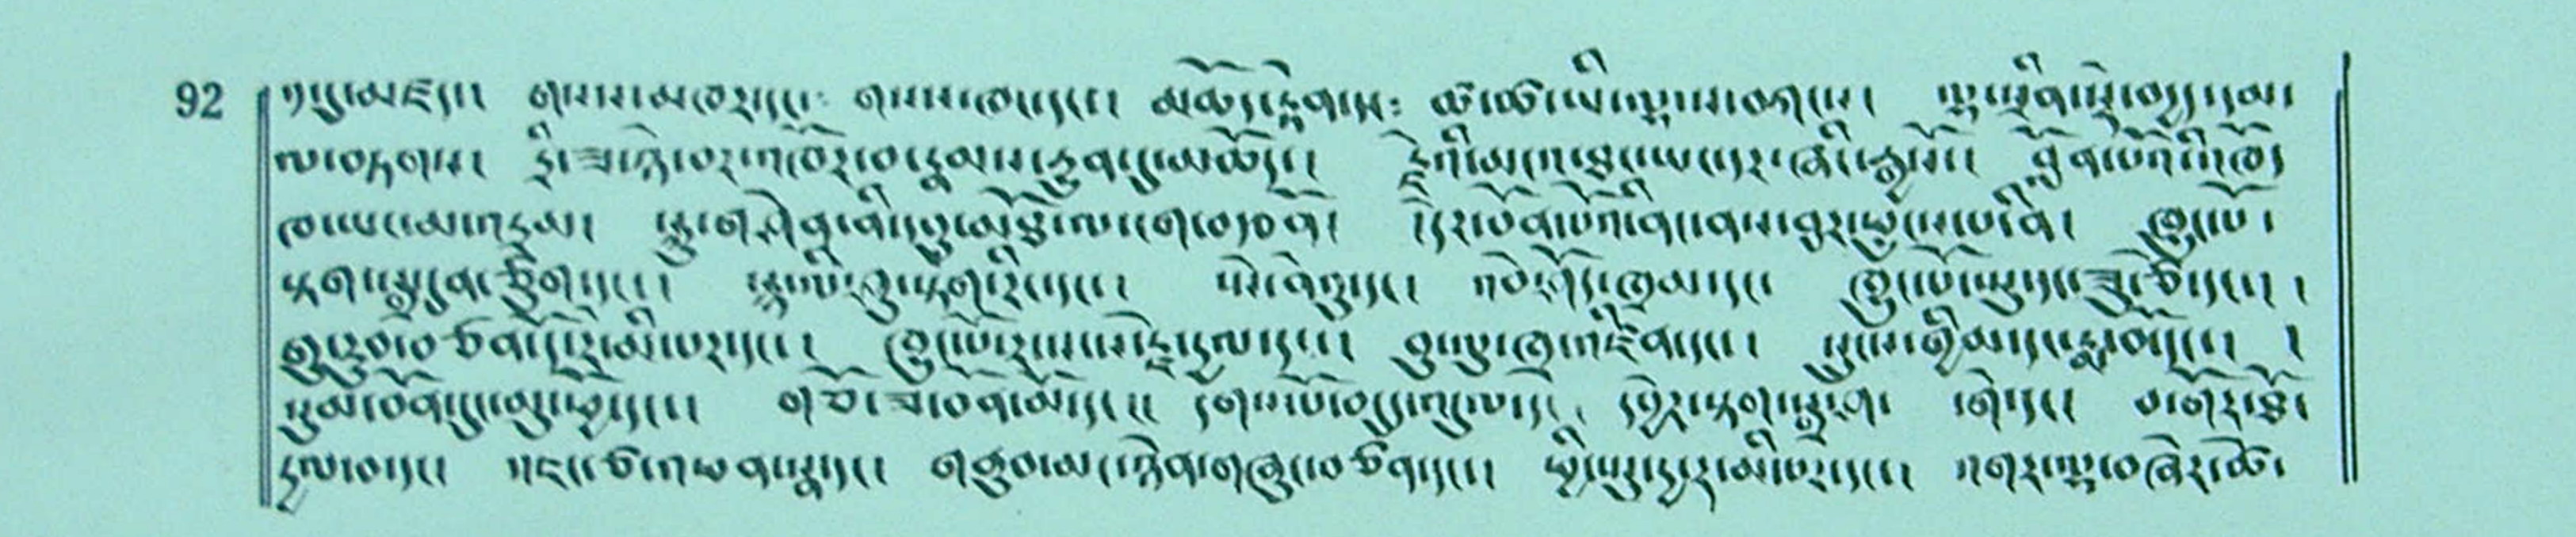གཅིག་ཏུ་མཛད། གསས་མཁར་དང་། གསས་ཁང་དང་། མཆོད་རྟེན་དང་ཚ་ཚ་ཡིས་ལྷ་ས་བཀང་། ལྷ་སྲིན་སྡེ་བརྒྱད་དམ་
ལ་བཏགས། དྲི་ཟ་ཉེ་བར་འཁོར་བ་རྣམས་རྒྱུན་དུ་མཆོད། རྗེ་མངའ་ཐང་ཡང་དར་ཞིང་རྒྱས་སོ། །བློན་པོའི་མཁོད་
ཁ་ཡང་མ་འདྲལ། སྐུ་གཤེན་ནི་དབུ་མཐོ་ལ་ངག་བཙནོ། དེར་བོན་པོའི་ནང་ན་བླར་ཕྱུངས་པ་ནི། ཁྱུང་བོ་
སྟག་སྒྲ་དུན་ཙུག་དང་། སྙ་ལི་ཤུ་སྟག་རིང་དང་། སྤེའུ་ནེའུ་དང་། བྷེ་ཤོད་ཁྲམ་དང་། ཁྱུང་བོ་སྤུ་དང་ཟུ་ཙེ་དང་། 
གུ་རུབ་བཙན་ཏོ་རེ་མི་པར་དང་། ཁྱུང་བོ་ར་སངས་རྗེ་རྒྱལ་དང་། བུ་ལུ་ཁྲ་འཛིན་དང་། སྲུངས་གྱིམ་དང་རྨ་བོ་དང་། 
སུམ་བོན་དྲུང་མུ་ཕྱོ་དང་། གཅོ་ཟ་བོན་མོ་དང་། དྭགས་པོ་བདུད་འདུལ་དང་། དབྱེར་སྟག་སྒྲ་ཤ་གེ་དང་། བ་གོར་ཐོ་
རྒྱལ་བ་དང་། འཇང་ཙ་འཕན་སྣ་དང་། གནུབ་མང་ཉེན་གཞུང་བཙན་དང་། ཕྱི་སྤུ་རྒྱ་ར་མི་སྤར་དང་། མགུར་ལྷ་བཞེར་ཚེ་